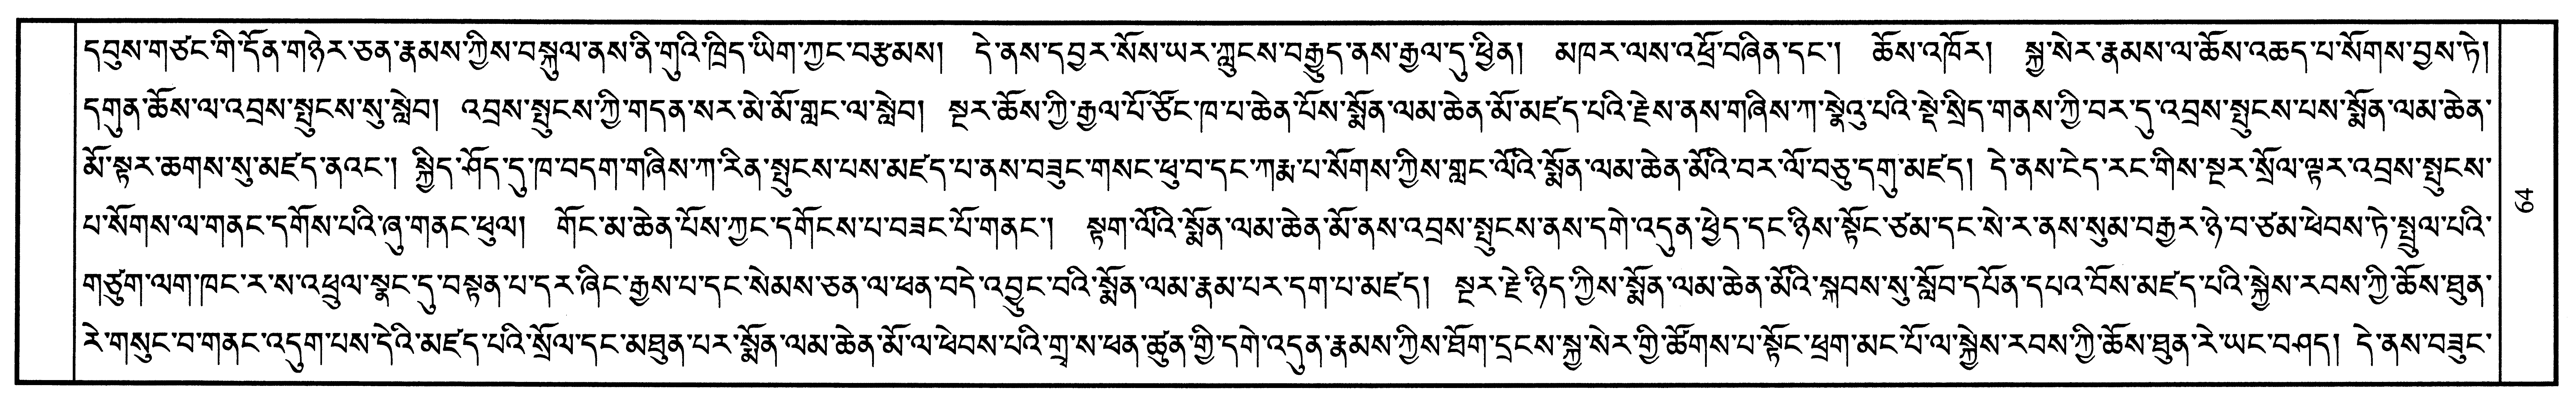དབུས་གཙང་གི་དོན་གཉེར་ཅན་རྣམས་ཀྱིས་བསྐུལ་ནས་ནི་གུའི་ཁྲིད་ཡིག་ཀྱང་བརྩམས། དེ་ནས་དབྱར་སོས་ཡར་ཀླུངས་བརྒྱུད་ནས་རྒྱལ་དུ་ཕྱིན། མཁར་ལས་འཕྲོ་བཞིན་དང་། ཆོས་འཁོར། སྐྱ་སེར་རྣམས་ལ་ཆོས་འཆད་པ་སོགས་བྱས་ཏེ།
དགུན་ཆོས་ལ་འབྲས་སྤུངས་སུ་སླེབས། འབྲས་སྤུངས་ཀྱི་གདན་སར་མེ་མོ་གླང་ལ་སླེབ། སྔར་ཆོས་ཀྱི་རྒྱལ་པོ་ཙོང་ཁ་པ་ཆེན་པོས་སྨོན་ལམ་ཆེན་མོ་མཛད་པའི་རྗེས་ནས་གཞིས་ཀ་སྣེའུ་པའི་སྡེ་སྲིད་གནས་ཀྱི་བར་དུ་འབྲས་སྤུངས་པས་སྨོན་ལམ་ཆེན་
མོ་ལྟར་ཆགས་སུ་མཛད་ནའང་། སྐྱིད་ཤོད་དུ་ཁ་བདག་གཞིས་ཀ་རིན་སྤུངས་པས་མཛད་པ་ནས་བཟུང་གསང་ཕུ་བ་དང་ཀརྨ་པ་སོགས་ཀྱིས་གླང་ལོའི་སྨོན་ལམ་ཆེན་མོའི་བར་ལོ་བཅུ་དགུ་མཛད། དེ་ནས་ངེད་རང་གིས་སྔར་སྲོལ་ལྟར་འབྲས་སྤུངས་
པ་སོགས་ལ་གནང་དགོས་པའི་ཞུ་གནང་ཕུལ། གོང་མ་ཆེན་པོས་ཀྱང་དགོངས་པ་བཟང་པོ་གནང་། སྟག་ལོའི་སྨོན་ལམ་ཆེན་མོ་ནས་འབྲས་སྤུངས་ནས་དགེ་འདུན་ཕྱེད་དང་ཉིས་སྟོང་ཙམ་དང་སེ་ར་ནས་སུམ་བརྒྱར་ཉེ་བ་ཙམ་ཕེབས་ཏེ་སྤྲུལ་པའི་
གཙུག་ལག་ཁང་ར་ས་འཕྲུལ་སྣང་དུ་བསྟན་པ་དར་ཞིང་རྒྱས་པ་དང་སེམས་ཅན་ལ་ཕན་བདེ་འབྱུང་བའི་སྨོན་ལམ་རྣམ་པར་དག་པ་མཛད། སྔར་རྗེ་ཉིད་ཀྱིས་སྨོན་ལམ་ཆེན་མོའི་སྐབས་སུ་སློབ་དཔོན་དཔའ་བོས་མཛད་པའི་སྐྱེས་རབས་ཀྱི་ཆོས་ཐུན་
རེ་གསུང་བ་གནང་འདུག་པས་དེའི་མཛད་པའི་སྲོལ་དང་མཐུན་པར་སྨོན་ལམ་ཆེན་མོ་ལ་ཕེབས་པའི་གྲྭ་ས་ཕན་ཚུན་གྱི་དགེ་འདུན་རྣམས་ཀྱིས་ཐོག་དྲངས་སྐྱ་སེར་གྱི་ཚོགས་པ་སྟོང་ཕྲག་མང་པོ་ལ་སྐྱེས་རབས་ཀྱི་ཆོས་ཐུན་རེ་ཡང་བཤད། དེ་ནས་བཟུང་